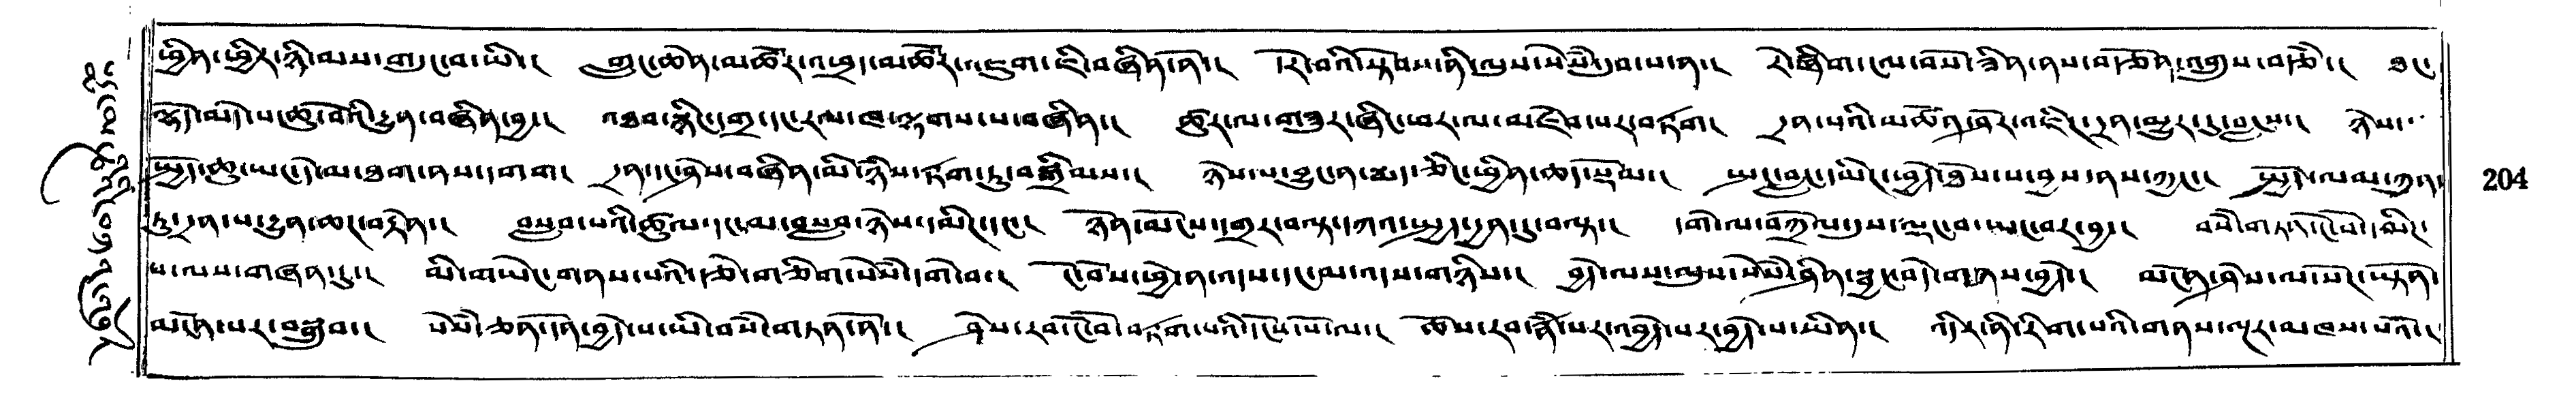ཕྱིན་ཕྱིར་ཉི་མས་གདུངས་པ་ཡིས། །གླང་ཆེན་མཚོར་འཕྲད་མཚོར་འཇུག་ཇི་བཞིན་ནོ། །དོར་བའི་སྟོབས་ནི་ལུས་སེམས་དུབ་པ་ན། །རེ་ཞིག་ངལ་བསོ་ཟིན་ནས་བརྩོན་འགྲུས་བརྩམ། །ཐང་
ལྷོད་མེད་པ་ཆུ་བོའི་རྒྱུན་བཞིན་བྱ། །འཐབ་སྙིང་དགྲ་དང་རལ་ཁ་ལྷགས་པ་བཞིན། །ཚུར་ལ་གཟུར་ཞིང་ཕར་ལ་འཇེབས་པར་བརྟག།དྲན་པའི་མཚོན་ཤོར་འཇིགས་དྲན་མྱུར་དུ་བླངས། །ཉེས་
སྤྱོད་ཆུ་ཡང་དེ་མ་ཐག་ནས་དགག །དྲན་དང་ཤེས་བཞིན་མི་ཉམས་རྟག་ཏུ་བསྒྲིམས། །ཉེས་པ་བྱུང་ན་སྨད་ཅིང་ཕྱིན་ཆད་སྡོམ། །སྤང་བླང་དམིགས་བྱེད་ཐོས་པ་བྱས་ནས་ཀྱང་། །སྤྱོད་ལམ་ཀུན་
ཏུ་དྲན་པ་རྒྱུན་ཆགས་བརྟེན། །བསླབ་པའི་ཚུལ་དང་མ་བསླབ་ཉེས་དམིགས་དང་། །ཉོན་མོངས་དགྲར་བལྟ་དཀའ་སྤྱད་རྒྱན་དུ་བལྟ། །དགེ་ལ་བཀོལ་དུས་ལྡང་བ་ཡང་བར་བྱ། །བསམ་གཏན་ངོ་བོ་དམིགས་
པ་ལས་གཞན་དུ། །མི་གཡེང་གནས་པའི་རྩེ་གཅིག་སེམས་དགེ་བ། །ངོ་བོས་ཕྱེ་ན་འདས་དང་མ་འདས་གཉིས། །བྱེད་ལས་ལུས་སེམས་ཤིན་སྦྱངས་བདེ་གནས་བྱེད། །མངོན་ཤེས་ལ་སོགས་ཡོན་ཏན་
མངོན་པར་བསྒྲུབ། །སེམས་ཅན་དོན་བྱེད་པ་ཡི་བསམ་གཏན་ནོ། །ཤེས་རབ་ངོ་བོ་བརྟག་པའི་དངོས་པོ་ལ། །ཆོས་རབ་རྣམ་པར་འབྱེད་པར་བྱེད་པ་ཡིན། །འདིར་ནི་རིག་པའི་གནས་ལྔར་མཁས་པའོ། །